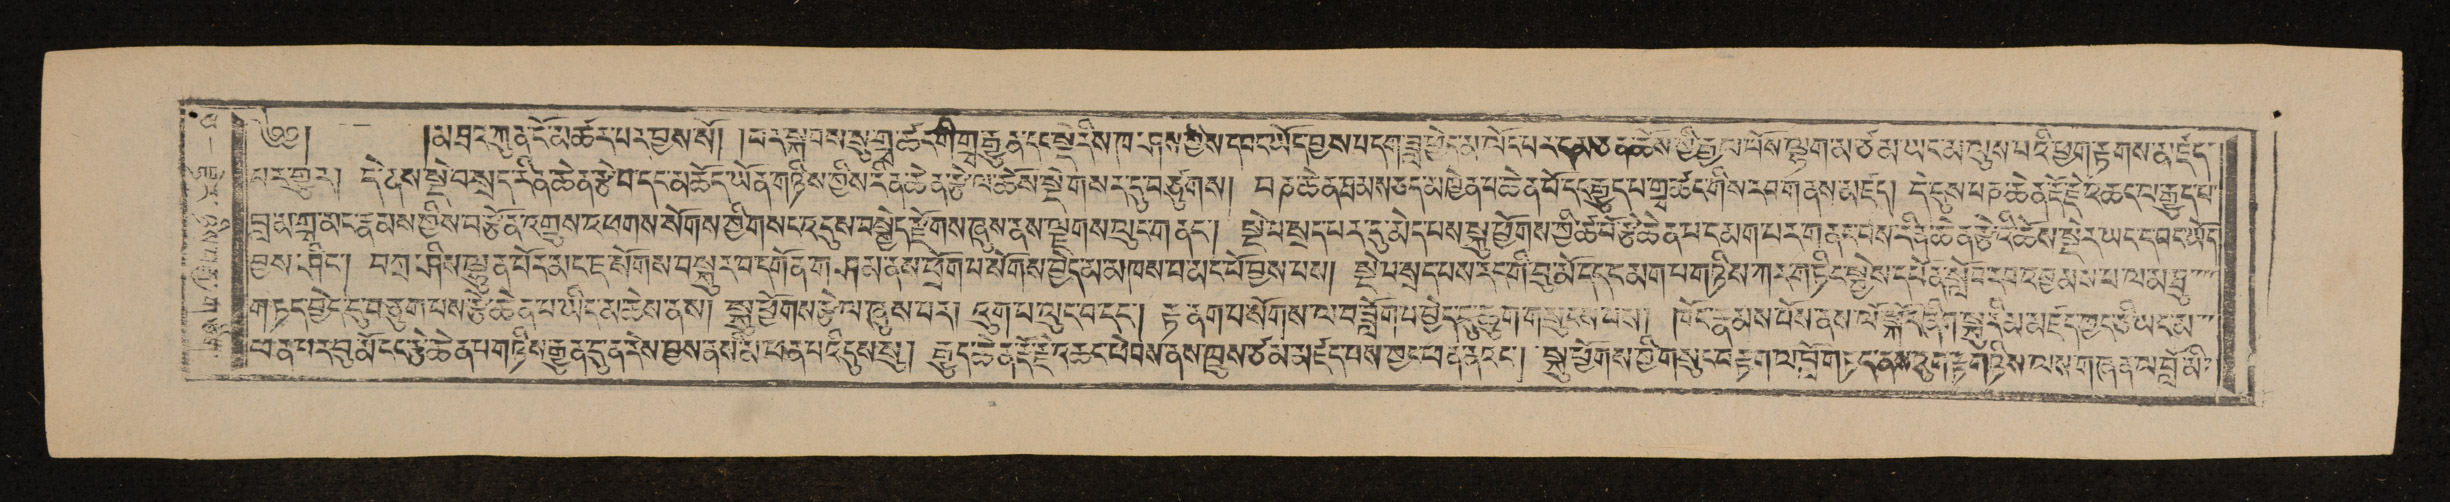༄༅། །མཐའ་ཀུན་ངོ་མཚར་བར་བྱས་སོ། །བར་སྐབས་སུ་གྲྭ་ཚང་གི་གྲྭ་རྒྱུན་དང་སྡེ་རིས་ཁ་ཤས་ཀྱིས་དབང་ཡོད་བྱས་བདག་ཟླ་ཕྱེད་མ་ལོང་བར་དམ་ཅན་ཆོས་ཀྱི་རྒྱལ་པོས་ལྷག་མ་ཙམ་ཡང་མ་ལུས་པའི་ཕྱག་རྟགས་མཛད་
པར་གྱུར། དེ་ནས་སྡེ་པ་སྲད་རིན་ཆེན་རྩེ་པ་དང་མཆོད་ཡོན་གཉིས་ཀྱིས་རིན་ཆེན་རྩེ་ལ་ཆོས་སྡེ་གསར་དུ་བཙུགས། པཎ་ཆེན་ཐམས་ཅད་མཁྱེན་པ་ཆེན་པོ་དང་རྒྱུད་པ་གྲྭ་ཚང་གིས་རབ་གནས་མཛད། དེ་དུས་པཎ་ཆེན་རྡོ་རྗེ་འཆང་ལ་རྒྱུད་པ་
བླ་མ་གྲྭ་མང་རྣམས་ཀྱིས་བརྩོན་འགྲུས་འཕགས་སོགས་ཀྱི་གསང་འདུས་བསྐྱེད་རྫོགས་ཞུས་ནས་ལྗགས་ལུང་གནང་། སྡེ་པ་སྲད་པར་བུ་མེད་པས་སྐུ་ཕྱོགས་ཀྱི་ཚ་བོ་རྩེ་ཆེན་བ་དམག་པར་གནང་བས་རིན་ཆེན་རྩེའི་ཆོས་སྡེར་ཡང་དབང་ཡོད་
བྱས་ཤིང་། བཀྲ་ཤིས་ལྷུན་པོར་མང་ཇ་སོགས་བསྐུར་བ་དགོན་གཤམ་ནས་ཕྲོག་པ་སོགས་བྱེད་མ་མཁས་པ་མང་པོ་བྱས་པས། སྡེ་པ་སྲད་པས་རང་གི་བུ་མོ་དང་དམག་པ་གཉིས་ཀར་གཏིང་སྐྱེས་དབོན་སློབ་རབ་འབྱམས་པ་ལ་མཐུ་
གཏད་བྱེད་དུ་བཅུག་པས་རྩེ་ཆེན་པ་ཡིད་མཆེས་ནས། སྐུ་ཕྱོགས་རྩེ་ལ་ཞུས་པར། འུག་པ་ལུང་པ་དང་། རྟ་ནག་པ་སོགས་ལ་བཟློག་བ་བྱེད་དུ་ཆུག་གསུངས་བས། ཁོང་རྣམས་བོས་ནས་ལོ་སྐོར་ཞིག་སྐུ་རིམ་མཛད་ཀྱང་ཅི་ཡང་མ་
ཕན་པར་བུ་མོ་དང་རྩེ་ཆེན་པ་གཉིས་རྒྱུན་དུ་ན་རེས་བྱས་ནས་མི་ཕན་པའི་དུས་སུ། རྒྱུད་ཆེན་རྡོ་རྗེ་འཆང་ཕེབས་ནས་ཁྲུས་ཙམ་མཛད་པས་ཀྱང་ཕན་ནའང་། སྐུ་ཕྱོགས་ཀྱི་གསུང་བརྟག་ལ་བློ་གཏད་ནས་འུག་རྟ་གཉིས་ལས་གཞན་ལ་བློ་མི་